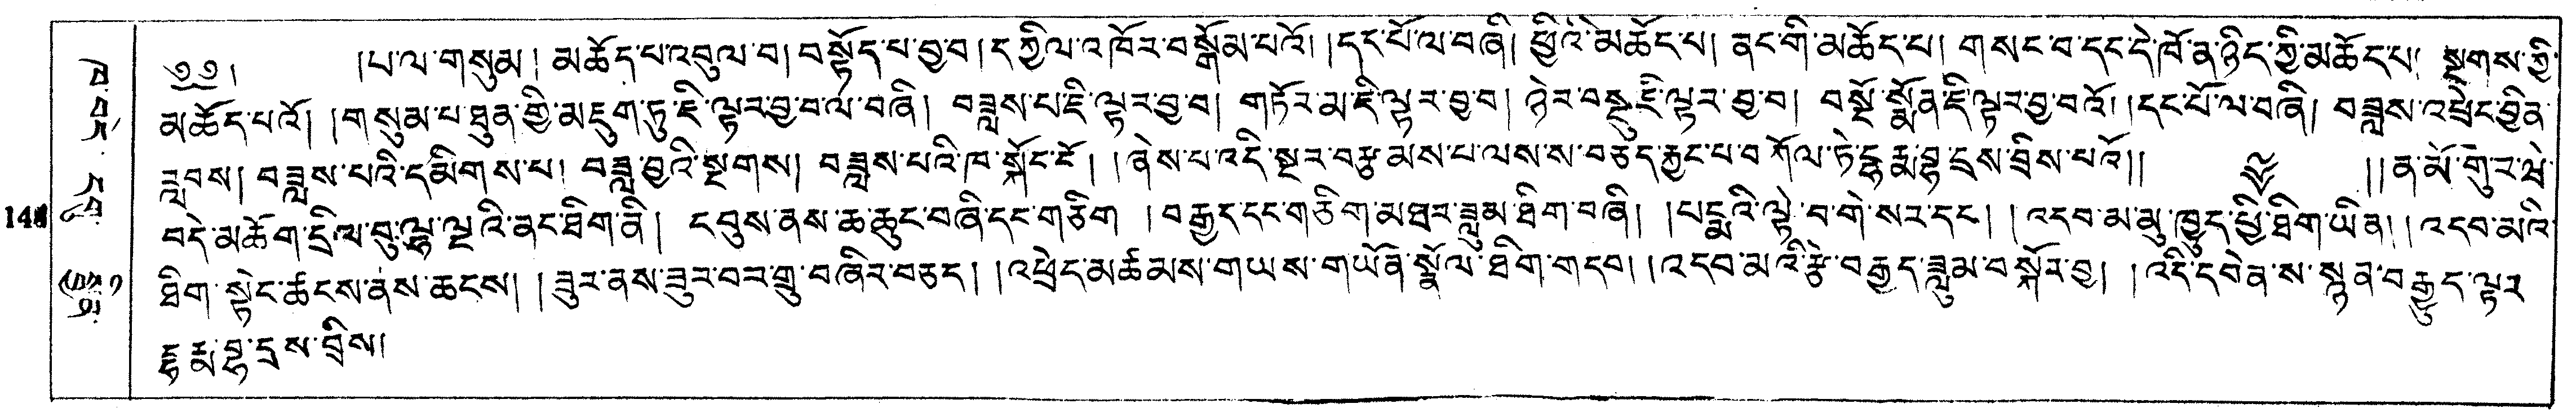༄༅། །པ་ལ་གསུམ། མཆོད་པ་འབུལ་བ། བསྟོད་པ་བྱ་བ། དཀྱིལ་འཁོར་བསྒོམ་པའོ། །དང་པོ་ལ་བཞི། ཕྱིའི་མཆོད་པ། ནང་གི་མཆོད་པ། གསང་བ་དང་དེ་ཁོ་ན་ཉིད་ཀྱི་མཆོད་པ། སྔགས་ཀྱི་
མཆོད་པའོ། །གསུམ་པ་ཐུན་གྱི་མཇུག་ཏུ་ཇི་ལྟར་བྱ་བ་ལ་བཞི། བཟླས་པ་ཇི་ལྟར་བྱ་བ། གཏོར་མ་ཇི་ལྟར་བྱ་བ། ཉེར་བསྡུ་ཇི་ལྟར་བྱ་བ། བསྔོ་སྨོན་ཇི་ལྟར་བྱ་བའོ། །དང་པོ་ལ་བཞི། བཟླས་འཕྲེང་བྱིན་
རླབས། བཟླས་པའི་དམིགས་པ། བཟླ་བྱའི་སྔགས། བཟླས་པའི་ཁ་སྐོང་ངོ། །ཞེས་པ་འདི་སྔར་བརྩམས་པ་ལས་ས་བཅད་རྐྱང་པ་བཀོལ་ཏེ་དྷརྨ་བྷ་དྲས་བྲིས་པའོ།། ༈ །།ན་མོ་གུ་ར་ཝེ་
བདེ་མཆོག་དྲིལ་བུ་ལྷ་ལྔའི་ནང་ཐིག་ནི། དབུས་ནས་ཆ་ཆུང་བཞི་དང་གཅིག །བརྒྱད་དང་གཅིག་མཐར་ཟླུམ་ཐིག་བཞི། །པདམའི་ལྟེ་བ་གེ་སར་དང་། །འདབ་མ་མུ་ཁྱུད་ཕྱི་ཐིག་ཡིན། །འདབ་མའི་
ཐིག་སྟེང་ཚངས་ནས་ཆངས། །ཟུར་ནས་ཟུར་བར་གྲུ་བཞིར་བཅད། །འཕྲེད་མཚམས་གཡས་གཡོན་སྣོལ་ཐིག་གདབ། །འདབ་མའི་རྩེ་བརྒྱད་ཟླུམ་བསྐོར་བྱ། །འདི་དབེན་ས་སྙན་བརྒྱུད་ལྟར་
དྷརྨ་བྷ་དྲས་བྲིས།